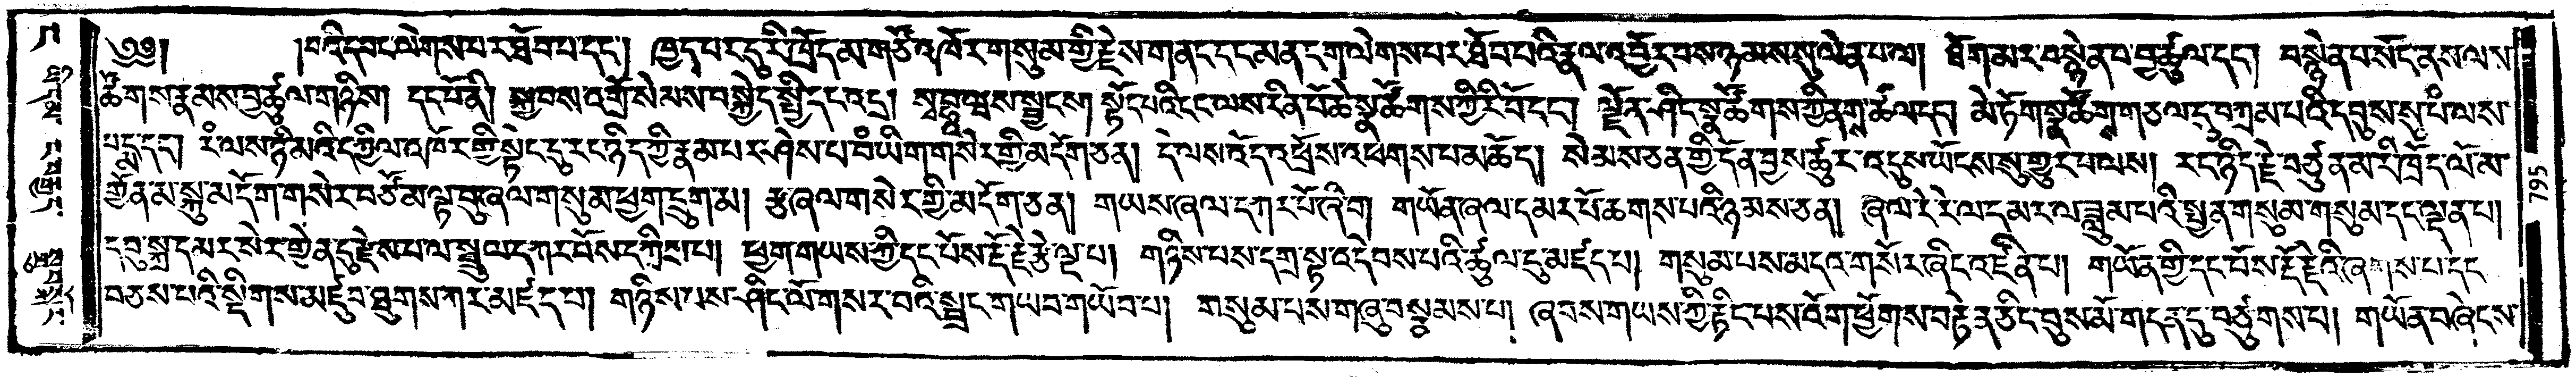༄༅། །པའི་དབང་ལེགས་པར་ཐོབ་པ་དང་། ཁྱད་པར་དུ་རི་ཁྲོད་མ་གཙོ་འཁོར་གསུམ་གྱི་རྗེས་གནང་དང་མན་ངག་ལེགས་པར་ཐོབ་པའི་རྣལ་འབྱོར་པས་ཉམས་སུ་ལེན་པ་ལ། ཐོག་མར་བསྙེན་པ་བྱ་ཚུལ་དང་། བསྙེན་པ་སོང་ནས་ལས་
ཚོགས་རྣམས་བྱ་ཚུལ་གཉིས། དང་པོ་ནི། སྐྱབས་འགྲོ་སེམས་བསྐྱེད་སྤྱི་དང་འདྲ། སྭ་བྷཱ་ཝས་སྦྱངས། སྟོང་པའི་དང་ལས་རིན་པོ་ཆེ་སྣ་ཚོགས་ཀྱི་རི་བོ་དང་། ལྗོན་ཤིང་སྣ་ཚོགས་ཀྱི་ནགས་ཚལ་དང་། མེ་ཏོག་སྣ་ཚོགས་གཅལ་དུ་བཀྲམ་པའི་དབུས་སུ་པཾ་ལས་
པདམ་དང་། རཾ་ལས་ཉི་མའི་དཀྱིལ་འཁོར་གྱི་སྟེང་དུ་རང་ཉིད་ཀྱི་རྣམ་པར་ཤེས་པ་པཾ་ཡིག་གསེར་གྱི་མདོག་ཅན། དེ་ལས་འོད་འཕྲོས་འཕགས་པ་མཆོད། སེམས་ཅན་གྱི་དོན་བྱས་ཚུར་འདུས་ཡོངས་སུ་གྱུར་བ་ལས། རང་ཉིད་རྗེ་བཙུན་མ་རི་ཁྲོད་ལོ་མ་
གྱོན་མ་སྐུ་མདོག་གསེར་བཅོམ་ལྟ་བུ་ཞལ་གསུམ་ཕྱག་དྲུག་མ། རྩ་ཞལ་གསེར་གྱི་མདོག་ཅན། གཡས་ཞལ་དཀར་པོ་ཞིག་གཡོན་ཞལ་དམར་པོ་ཆགས་པའི་ཉམས་ཅན། ཞལ་རེ་རེ་ལ་དམར་ལ་ཟླུམ་པའི་སྤྱན་གསུམ་གསུམ་དང་ལྡན་པ།
དབུ་སྐྲ་དམར་སེར་གྱེན་དུ་རྫེས་པ་ལ་སྦྲུལ་དཀར་པོས་དཀྲིས་པ། ཕྱག་གཡས་ཀྱི་དང་པོས་རྡོ་རྗེ་རྩེ་ལྔ་པ། གཉིས་པས་དགྲ་སྟ་འདེབས་པའི་ཚུལ་དུ་མཛད་པ། གསུམ་པས་མདའ་གསོར་ཞིང་འཛིན་པ། གཡོན་གྱི་དང་པོས་རྡོ་རྗེའི་ཞགས་པ་དང་
བཅས་པའི་སྡིགས་མཛུབ་ཐུགས་ཀར་མཛད་པ། གཉིས་པས་ཤིང་ལོ་གསར་པའི་སྦྲང་གཡབ་གཡོབ་པ། གསུམ་པས་གཞུ་བསྣམས་པ། ཞབས་གཡས་ཀྱི་རྟིང་པས་འོག་ཕྱོགས་བརྟེན་ཆིང་བུས་མོ་གདན་དུ་བཙུགས་པ། གཡོན་བཞེངས་